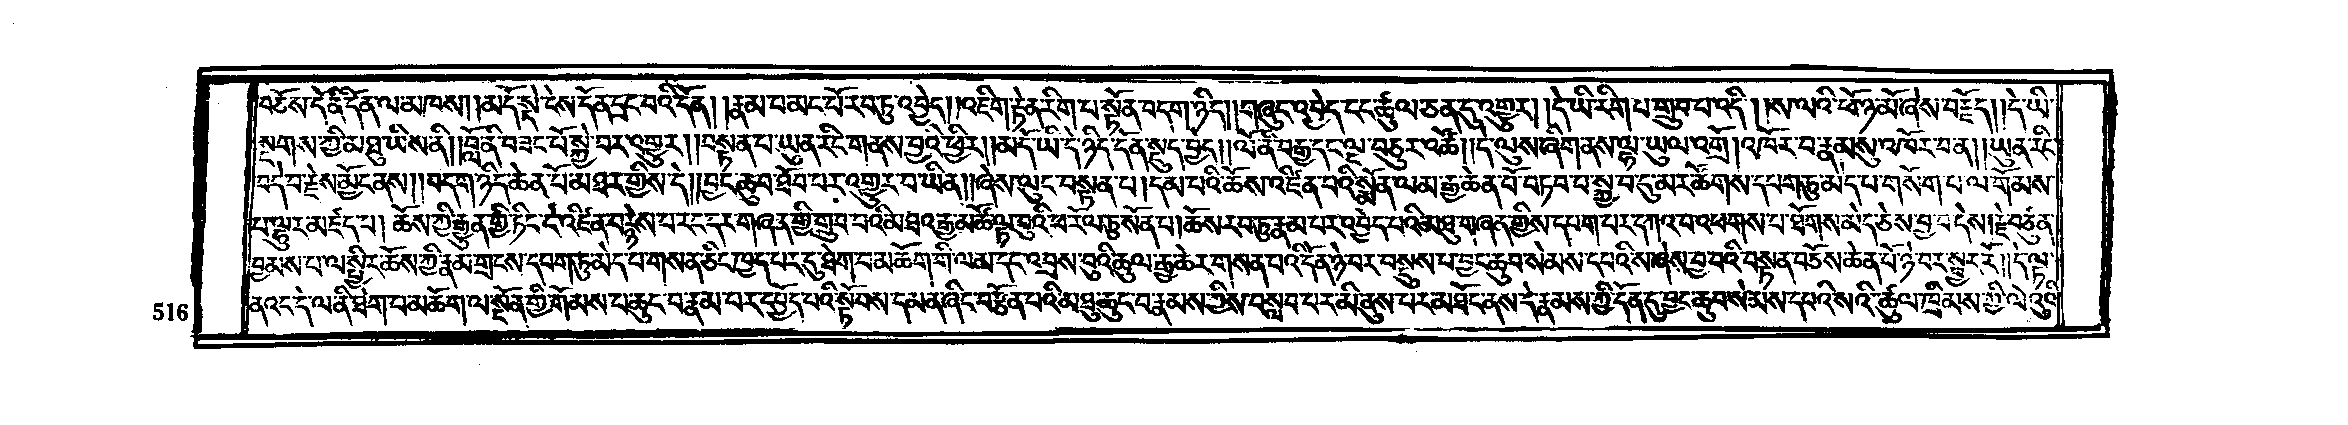བཅོས་དེ་ནི་དོན་ལ་མཁས། །མདོ་སྡེ་ངེས་དོན་དྲང་བའི་དོན། །རྣམ་པ་མང་པོ་རབ་ཏུ་འབྱེད། །འཇིག་རྟེན་རིག་པ་སྟོན་བདག་ཉིད། །གཞུང་འབྱེད་ངང་ཚུལ་ཅན་དུ་འགྱུར། །དེ་ཡི་རིག་པ་གྲུབ་པ་འདི། །ས་ལའི་ཕོ་ཉ་མོ་ཞེས་བརྗོད། །དེ་ཡི་
སྔགས་ཀྱི་མཐུ་ཡིས་ནི། །བློ་ནི་བཟང་པོ་སྐྱེ་བར་འགྱུར། །བསྟན་པ་ཡུན་རིང་གནས་བྱའི་ཕྱིར། །མདོ་ཡི་དེ་ཉིད་དོན་སྡུད་བྱེད། །ལོ་ནི་བརྒྱ་དང་ལྔ་བཅུར་འཚོ། །དེ་ལུས་ཞིག་ནས་ལྷ་ཡུལ་འགྲོ། འཁོར་བ་རྣམས་སུ་འཁོར་བ་ན། །ཡུན་རིང་
བདེ་བ་རྗེས་མྱོང་ནས། །བདག་ཉིད་ཆེན་པོ་མཐར་གྱིས་དེ། །བྱང་ཆུབ་ཐོབ་པར་འགྱུར་བ་ཡིན། །ཞེས་ལུང་བསྟན་པ། དམ་པའི་ཆོས་འཛིན་པའི་སྨོན་ལམ་རྒྱ་ཆེན་པོ་བཏབ་པ་སྐྱེ་བ་དུ་མར་ཚོགས་དཔག་ཏུ་མེད་པ་གསོག་པ་ལ་གོམ་
པ་ལྷུར་མཛད་པ། ཆོས་ཀྱི་རྒྱུན་གྱི་ཏིང་ངེ་འཛིན་བརྙེས་པ་རང་དར་གཞན་གྱི་གྲུབ་པའི་མཐའ་རྒྱ་མཚོ་ལྟ་བུའི་ཕ་རོལ་ཏུ་སོན་པ། ཆོས་རབ་ཏུ་རྣམ་པར་འབྱེད་པའི་མཐུ་གཞན་གྱིས་དཔག་པར་དཀའ་བ་འཕགས་པ་ཐོགས་མེད་ཅེས་བྱ་བ་དེས། རྗེ་བཙུན་
བྱམས་པ་ལ་སྤྱིར་ཆོས་ཀྱི་རྣམ་གྲངས་དཔག་ཏུ་མེད་པ་གསན་ཅིང་ཁྱད་པར་དུ་ཐེག་པ་མཆོག་གི་ལམ་དང་འབྲས་བུའི་ཚུལ་རྒྱ་ཆེར་གསན་པའི་དོན་ཉེ་བར་བསྡུས་པ་བྱང་ཆུབ་སེམས་དཔའི་ས་ཞེས་བྱ་བའི་བསྟན་བཅོས་ཆེན་པོ་ཉེ་བར་སྦྱར་རོ། །དེ་ལྟ་
ནའང་དེ་ལ་ནི་ཐེག་པ་མཆོག་ལ་སྔོན་གྱི་གོམས་པ་ཆུང་བ་རྣམ་པར་དཔྱོད་པའི་སྟོབས་དམན་ཞིང་བརྩོན་པའི་མཐུ་ཆུང་བ་རྣམས་ཀྱི་བསླབ་པར་མི་ནུས་པར་མཐོང་ནས་དེ་རྣམས་ཀྱི་དོན་དུ་བྱང་ཆུབ་སེམས་དཔའི་སའི་ཚུལ་ཁྲིམས་ཀྱི་ལེའུའི་